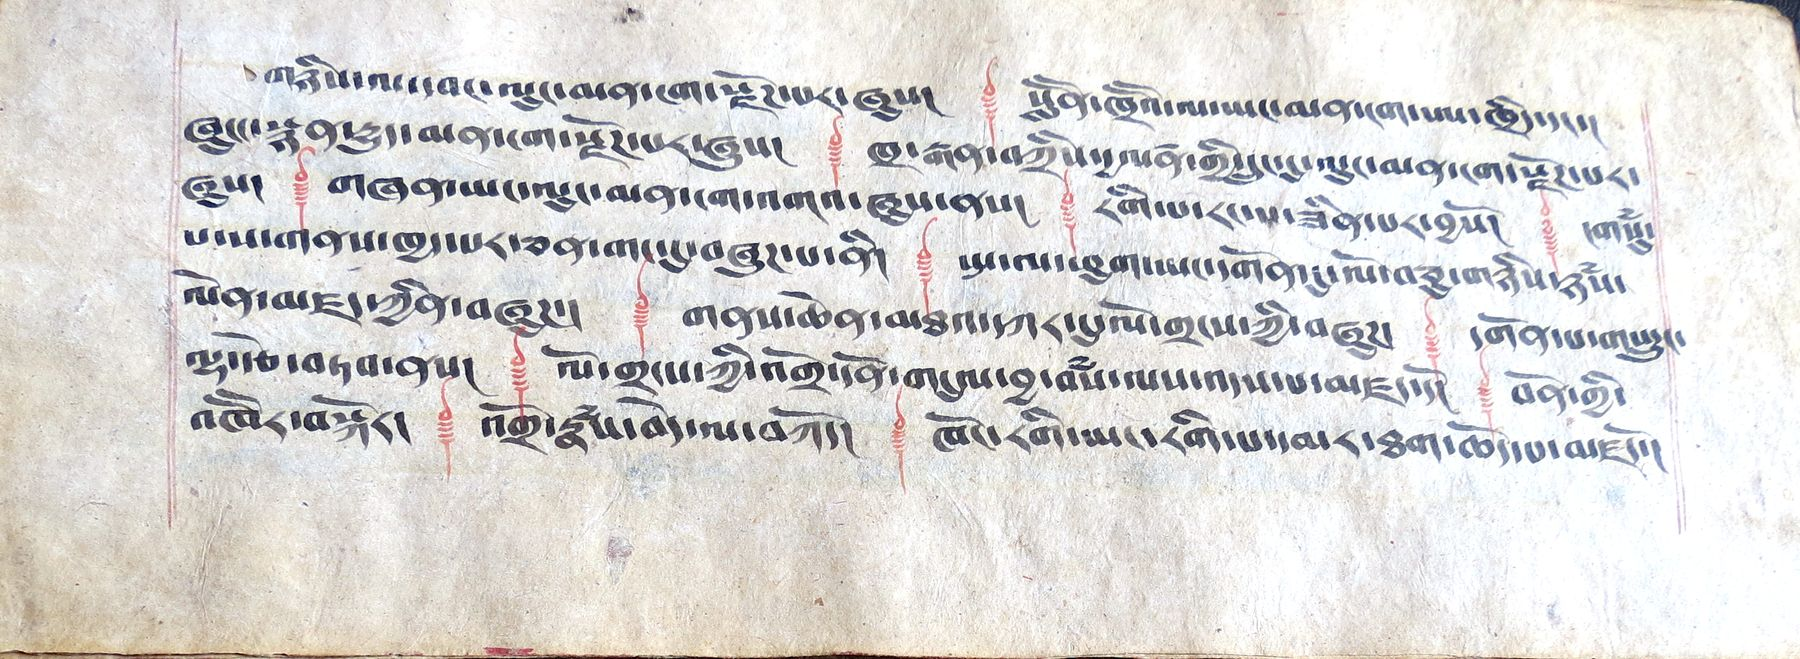གཉིས་ལ་དབང་ལུང་མན་ངག་རྫོགས་པར་ཞུས། སློབ་དཔོན་ཁྲོ་བོ་ལ་ཡང་མན་ངག་ཨ་ཁྲིད་དང་། 
ཞང་ཞུང་སྙན་རྒྱུད་མན་ངག་རྫོགསཔར་ཞུས། ཁྲ་རྒན་བཀྲ་ཤིས་རྒྱལ་མཚན་གྱི་དྲུང་དུ་ལུང་མན་ངག་རྫོགས་པར་
ཞུས། གཞན་ལུང་མན་ངག་འགའ་ཞུས་ནས་རིག་པ་རང་ས་ཟིན་པར་བྱས་སོ། ། གསུམ་
པ་གནས་ཁྱད་པར་ཅན་གང་དུ་བཞུགས་པ་ནི། སྤ་ལ་ཕུག་ཡང་གོང་དུ་ལོ་བཅུ་གཉིས་ཉམས་
ལེན་མཛད་ཀྱིན་བཞུགས། གནས་ཆེན་མཐའ་དཀར་དུ་ལོ་གྲངས་ཀྱིས་བཞུགས། དགོན་པ་གཡུང་དྲུང་
ལྷ་རྩེ་བཏབ་ནས་ལོ་གྲངས་ཀྱིས་འགྲོ་དོན་གདུལ་བྱ་བསམ་ལས་འདས་པར་མཛད་དོ། བོན་གྱི་
འཁོར་ལོ་བསྐོར། འགྲོ་རྣམས་བདེ་ལ་བཀོད། ཁོང་རིག་ཡང་རིག་པ་དམར་ཐག་ཆོད་པར་མཛད་དོ། །